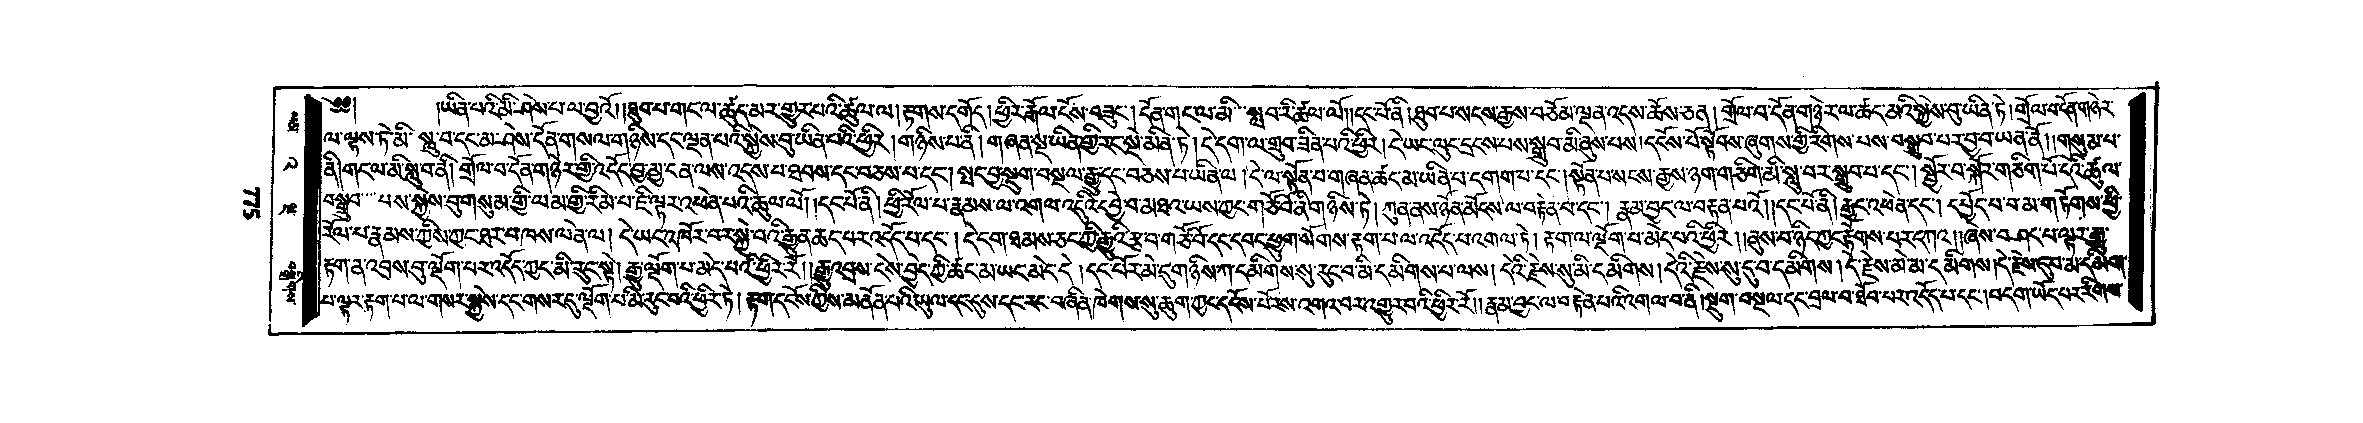༄༅། །ཡིན་པའི་མི་ཤེས་པ་ལ་བྱའོ། །ཐུབ་པ་གང་ལ་ཚུད་མར་གྱུར་པའི་ཚུལ་ལ། རྟགས་དགོད། ཕྱིར་རྒོལ་ངོས་བཟུང་། དོན་གང་ལ་མི་སླབ་རི་ཚལ་ལོ། །དང་པོ་ནི། ཐུབ་པ་སངས་རྒྱས་བཅོམ་ལྡན་འདས་ཆོས་ཅན། གྲོལ་བ་དོན་གཉེར་ལ་ཚད་མའི་སྐྱེས་བུ་ཡིན་ཏེ། གྲོལ་བ་དོན་གཉེར་
ལ་ལྟས་ཏེ་མི་སླུ་བ་དང་མ་ཤེས་དོན་གསལ་གཉིས་དང་ལྡན་པའི་སྐྱེས་བུ་ཡིན་པའི་ཕྱིར། གཉིས་པ་ནི། གཞན་སྔ་ཡིན་གྱི་རང་སྡེ་མིན་ཏེ། དེ་དག་ལ་གྲུབ་ཟིན་པའི་ཕྱིར། དེ་ཡང་ལུང་དྲངས་པས་སྒྲུབ་མི་ནུས་པས། དངོས་པོ་སྟོབས་ཞུགས་གྱི་རིགས་པས་བསྒྲུབ་པར་བྱ་བ་ཡིན་ནོ། །གསུམ་པ་
ནི། གང་ལ་མི་སླུ་བ་ནི། གྲོལ་བ་དོན་གཉེར་གྱི་འདོད་བྱ་མྱ་ངན་ལས་འདས་པ་ཐབས་དང་བཅས་པ་དང་། སྤང་བྱ་སྡུག་བསྔལ་རྒྱུ་དང་བཅས་པ་ཡིན་ལ། དེ་ལ་སྟོན་པ་གཞན་ཚད་མ་ཡིན་པ་དགག་པ་དང་། སྟོན་པ་སངས་རྒྱས་ཉག་གཅིག་མི་སླུ་བར་སྒྲུབ་པ་དང་། སྦྱོར་བ་སྐོར་གཅིག་པོ་དེའི་ཚུལ་
བསྒྲུབ་པས་སྐྱེས་བུ་གསུམ་གྱི་ལམ་གྱི་རིམ་པ་ཇི་ལྟར་འཕེལ་བའི་ཚུལ་ལོ། །དང་པོ་ནི་ཕྱིར་རོལ་པ་རྣམས་ལ་འགལ་འདུའི་དབྱེ་བ་མཐའ་ཡས་ཀྱང་གཙོ་བོ་ནི་གཉིས་ཏེ། ཀུན་ནས་ཉོན་མོངས་ལ་བརྟན་པ་དང་། རྣམ་བྱང་ལ་བརྟན་པའོ། །དང་པོ་ནི། རྒྱང་འཕེན་དང་། དཔྱོད་པ་བ་མ་གཏོགས་ཕྱི་
རོལ་པ་རྣམས་ཀྱིས་ཀྱང་ཐར་པ་ཁས་ལེན་ལ། དེ་ཡང་འཁོར་བར་སྐྱེ་བའི་རྒྱུན་ཆད་པར་འདོད་པ་དང་། དེ་དག་ཐམས་ཅད་ཀྱི་རྒྱུའི་རྩ་བ་གཙོ་བོ་དང་དབང་ཕྱུག་སོགས་རྟག་པ་ལ་འདོད་པ་འགལ་ཏེ། རྟག་ལ་ལྡོག་པ་མེད་པའི་ཕྱིར། །ནུས་བ་ཉིད་ཀྱང་རྟོགས་པར་དཀའ། །ཞེས་བཤད་པ་ལྟར་རྒྱུ་
རྟག་ན་འབྲས་བུ་ལྡོག་པར་འདོད་ཀྱང་མི་རུང་སྟེ། རྒྱུ་ལྡོག་པ་མེད་པའི་ཕྱིར་རོ། །རྒྱུ་འབྲས་ངེས་བྱེད་ཀྱི་ཚད་མ་ཡང་མེད་དེ། དང་པོར་མེ་དུ་གཉིས་ཀ་དམིགས་སུ་རུང་བ་མི་དམིགས་པ་ལས། དེའི་རྗེས་སུ་མི་དམིགས། དེའི་རྗེས་སུ་དུ་བ་དམིགས། དེ་རྗེས་མེ་མ་དམིགས། དེ་རྗེས་དུ་བ་མ་དམིགས་
པ་ལྟར་རྟག་པ་ལ་གསར་སྐྱེས་དང་གསར་དུ་ལྡོག་པ་མི་རུང་བའི་ཕྱིར་ཏེ། རྟག་དངོས་ཀྱིས་མནོན་པའི་ཡུལ་དང་དུས་དང་རང་བཞིན་ཁེགས་སུ་ཆུག་ཀྱང་དངོས་པོ་རས་འགའ་བར་འགྱུར་བའི་ཕྱིར་རོ། །རྣམ་བྱང་ལ་བརྟེན་པའི་འགལ་བ་ནི། སྡུག་བསྔལ་དང་བྲལ་བ་ཐོབ་པར་འདོད་པ་དང་། བདག་ཡོད་པར་རིགས་